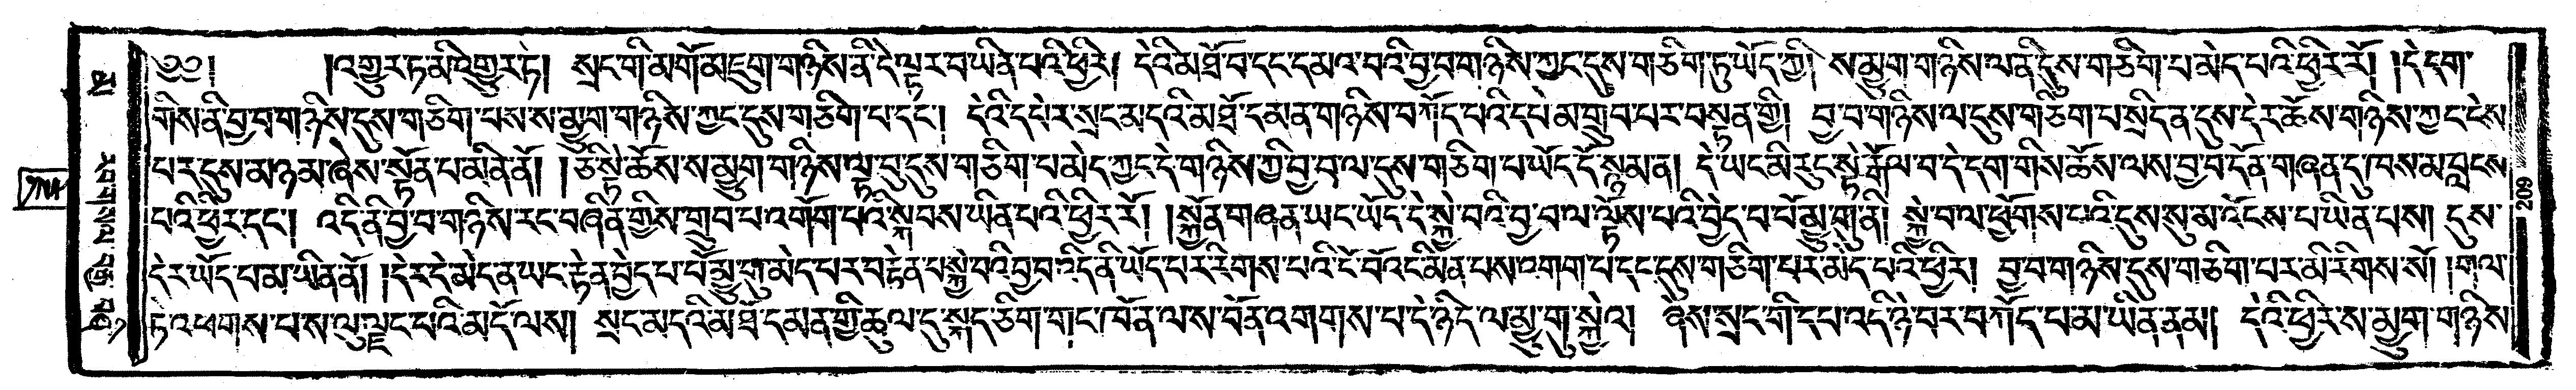༄༅། །འགྱུར་ཏེ་མི་འགྱུར་ཏེ། སྲང་གི་མགོ་མཇུག་གཉིས་ནི་ད་ལྟར་བ་ཡིན་པའི་ཕྱིར། དེའི་མཐོ་བ་དང་དམའ་བའི་བྱ་བ་གཉིས་ཀྱང་དུས་གཅིག་ཏུ་ཡོད་ཀྱི། ས་མྱུག་གཉིས་ལ་ནི་དུས་གཅིག་པ་མེད་པའི་ཕྱིར་རོ། །དེ་དག་
གིས་ནི་བྱ་བ་གཉིས་དུས་གཅིག་པས་ས་མྱུག་གཉིས་ཀྱང་དུས་གཅིག་པ་དང་། དེའི་དཔེར་སྲང་མདའི་མཐོ་དམན་གཉིས་བཀོད་པའི་དཔེ་མ་གྲུབ་པར་བསྟན་གྱི། བྱ་བ་གཉིས་ལ་དུས་གཅིག་པ་སྲིད་ན་དུས་དེར་ཆོས་གཉིས་ཀྱང་ངེས་
པར་དུས་མཉམ་ཞེས་སྟོན་པ་མིན་ནོ། །ཅི་སྟེ་ཆོས་ས་མྱུག་གཉིས་ལྟ་བུ་དུས་གཅིག་པ་མེད་ཀྱང་དེ་གཉིས་ཀྱི་བྱ་བ་ལ་དུས་གཅིག་པ་ཡོད་དོ་སྙམ་ན། དེ་ཡང་མི་རུང་སྟེ་རྒོལ་བ་དེ་དག་གིས་ཆོས་ལས་བྱ་བ་དོན་གཞན་དུ་ཁས་མ་བླངས་
པའི་ཕྱིར་དང་། འདི་ནི་བྱ་བ་གཉིས་རང་བཞིན་གྱིས་གྲུབ་པ་འགོག་པའི་སྐབས་ཡིན་པའི་ཕྱིར་རོ། །སྐྱོན་གཞན་ཡང་ཡོད་དེ་སྐྱེ་བའི་བྱ་བ་ལ་ལྟོས་པའི་བྱེད་པ་པོ་མྱུ་གུ་ནི། སྐྱེ་བ་ལ་ཕྱོགས་པའི་དུས་སུ་མ་འོངས་པ་ཡིན་པས། དུས་
དེར་ཡོད་པ་མ་ཡིན་ནོ། །དེར་དེ་མེད་ན་ཡང་རྟེན་བྱེད་པ་པོ་མྱུ་གུ་མེད་པར་བརྟེན་པ་སྐྱེ་བའི་བྱ་བ་འདི་ནི་ཡོད་པར་རིགས་པའི་ངོ་བོའང་མིན་པས་འགག་པ་དང་དུས་གཅིག་པར་མེད་པའི་ཕྱིར། བྱ་བ་གཉིས་དུས་གཅིག་པར་མི་རིགས་སོ། །གལ་
ཏེ་འཕགས་པ་ས་ལུ་ལྗང་པའི་མདོ་ལས། སྲང་མདའི་མཐོ་དམན་གྱི་ཚུལ་དུ་སྐད་ཅིག་གང་ཁོ་ན་ལ་ས་བོན་འགགས་པ་དེ་ཉིད་ལ་མྱུ་གུ་སྐྱེའོ། ཞེས་སྲང་གི་དཔེ་འདི་ཉེ་བར་བཀོད་པ་མ་ཡིན་ནམ། དེའི་ཕྱིར་ས་མྱུག་གཉིས་